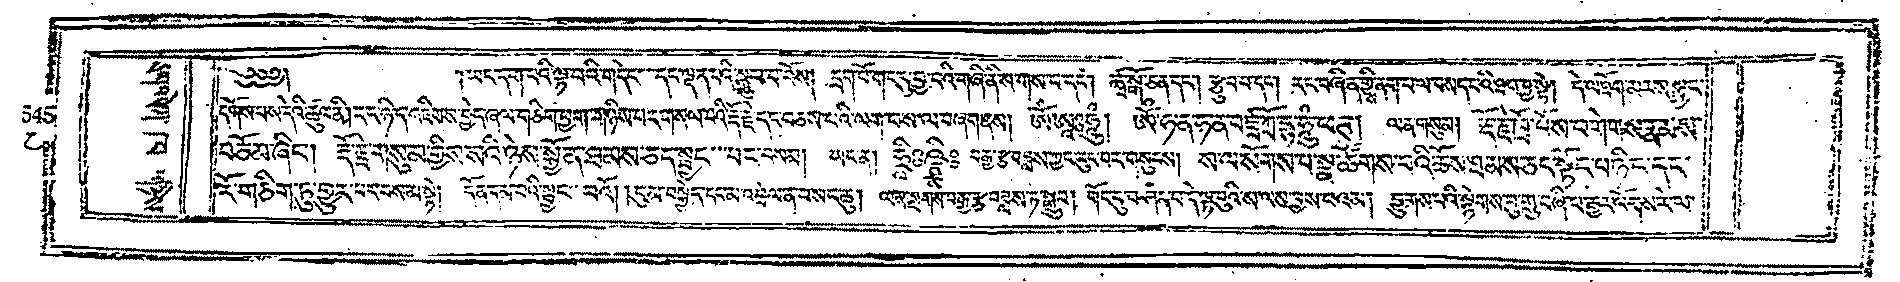༄༅༅། །ཡང་དག་པའི་ལྟ་བའི་གདེང་་་དང་ལྡན་པའི་སྒྲུབ་པ་པོས། དྲག་པོ་གང་དུ་བྱ་བའི་གཞི་ནི་ས་གས་པ་དང་། ཚྭ་སྒོ་ཅན་དང་། རྩུབ་པ་དང་། རང་བཞིན་གྱིས་ནག་པ་ལ་བསད་པའི་ཐབ་བྱ་སྟེ། དེ་ལ་ཐོག་མར་ས་སྦྱར་་་
དགོས་པས་དེའི་ཚུལ་ནི། རང་ཉིད་འཇིགས་བྱེད་ཞལ་གཅིག་ཕྱག་གཉིས་པར་གསལ་བའི་རྡོ་རྗེ་དང་བཅས་པའི་ལག་པ་ས་ལ་བཞག་ནས། ཨོཾ་ཨཱཿཧཱུཾ། ཨོཾ་ཧ་ན་ཧ་ན་བཛྲ་ཀྲོ་དྷ་ཧཱུཾ་ཕཊ། ལན་གསུམ།  རྡོ་རྗེ་ཁྲོ་བོ་ས་བགེགས་རྣམས་
བཅོམ་ཞིང་། རྡོ་རྗེ་གསུམ་གྱིས་སའི་ཉེས་སྐྱོན་ཐམས་ཅད་སྦྱར་་་པར་བསམ། ཡང་ན།  ཧྲཱིཿཥཊཿཨཱིཿ བརྒྱ་རྩ་བཟླས་ཀྱང་རུང་བར་གསུངས།  ས་ལ་སོགས་པ་སྣ་ཚོགས་པའི་ཆོས་ཐམས་ཅད་སྟོང་པ་ཉིད་དང་
རོ་གཅིག་ཏུ་གྱུར་པར་བསམ་སྟེ། དོན་དམ་པའི་སྦྱང་བའོ། །བུམ་བསྐྱེད་དང་མ་འབྲེལ་ན་བསང་ཆུ། ལས་སྔགས་བརྒྱ་རྩ་བཟླས་ཏེ་སྒྲུབ། གོང་དུ་བཤད་པ་དེ་ལྟ་བུའི་ས་ལས་བྱས་པའམ། བྱུགས་པའི་སྟེགས་བུ་གྲུ་བཞི་པ་རྒྱར་ལོགས་རེ་ལ་